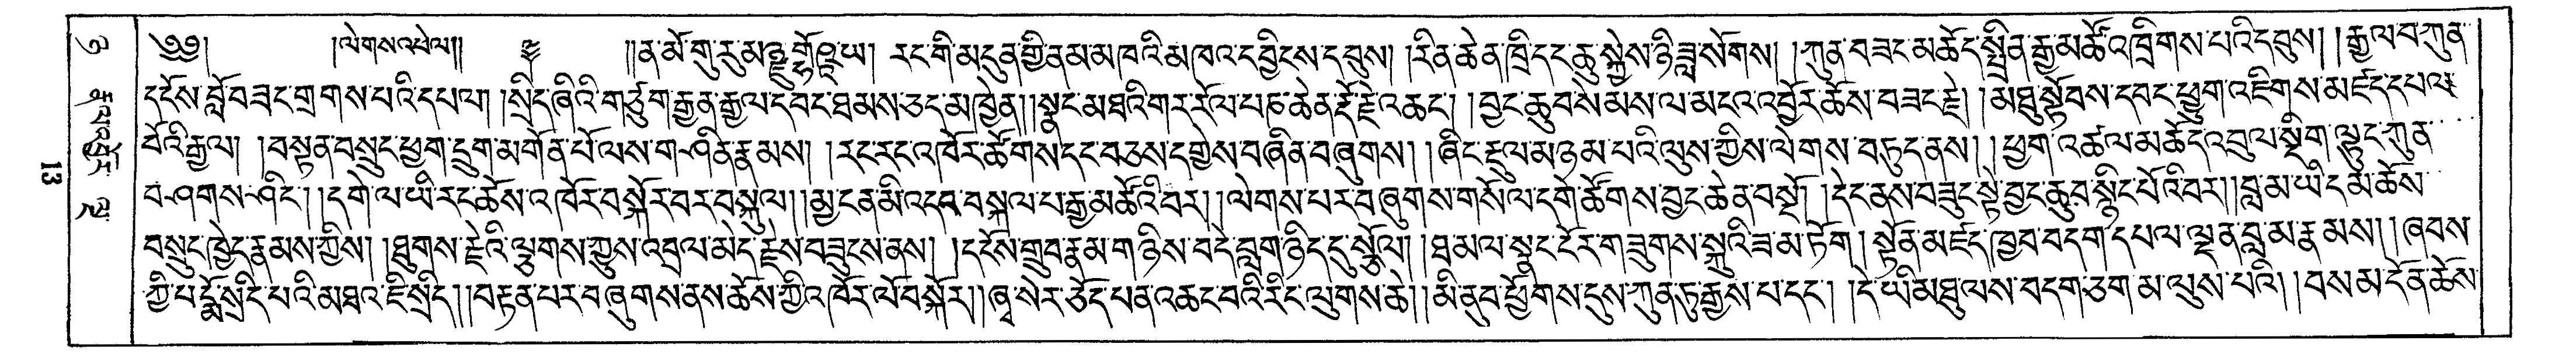༄༅། །ལེགས་འཕེལ།། ༈ །།ན་མོ་གུ་རུ་མཉྫུ་གྷོཥཱ་ཡ། རང་གི་མདུན་གྱི་ནམ་མཁའི་མཁའ་དབྱིངས་དབུས། །རིན་ཆེན་ཁྲི་དང་ཆུ་སྐྱེས་ཉི་ཟླ་སོགས། །ཀུན་བཟང་མཆོད་སྤྲིན་རྒྱ་མཚོ་འཁྲིགས་པའི་དབུས། །རྒྱལ་བ་ཀུན་
དངོས་བློ་བཟང་གྲགས་པའི་དཔལ། །སྲིད་ཞིའི་གཙུག་རྒྱན་རྒྱལ་དབང་ཐམས་ཅད་མཁྱེན། །སྣང་མཐའི་གར་རོལ་པཎ་ཆེན་རྡོ་རྗེ་འཆང་། །བྱང་ཆུབ་སེམས་ལ་མངའ་འབྱོར་ཆོས་བཟང་རྗེ། །མཐུ་སྟོབས་དབང་ཕྱུག་འཇིགས་མཛད་དཔའ་
བོའི་རྒྱལ། །བསྟན་བསྲུང་ཕྱག་དྲུག་མགོན་པོ་ལས་གཤིན་རྣམས། །རང་རང་འཁོར་ཚོགས་དང་བཅས་དགྱེས་བཞིན་བཞུགས། །ཞིང་རྡུལ་མཉམ་པའི་ལུས་ཀྱིས་ལེགས་བཏུད་ནས། །ཕྱག་འཚལ་མཆོད་འབུལ་སྡིག་ལྟུང་ཀུན་
བཤེགས་ཤིང་། །དགེ་ལ་ཡི་རང་ཆོས་འཁོར་བསྐོར་བར་བསྐུལ། །མྱ་ངན་མི་འདའ་བསྐལ་པ་རྒྱ་མཚོའི་བར། །ལེགས་པར་བཞུགས་གསོལ་དགེ་ཚོགས་བྱང་ཆེན་བསྔོ། །དེང་ནས་བཟུང་སྟེ་བྱང་ཆུབ་སྙིང་པོའི་བར། །བླ་མ་ཡི་དམ་ཆོས་
བསྲུང་ཁྱེད་རྣམས་ཀྱིས། །ཐུགས་རྗེའི་ལྕགས་ཀྱུས་འབྲལ་མེད་རྗེས་བཟུངས་ནས། །དངོས་གྲུབ་རྣམ་གཉིས་བདེ་བླག་ཉིད་དུ་སྩོལ། །ཐ་མལ་སྣང་ངོར་གཟུགས་སྐུའི་ཟ་མ་ཏོག །སྟོན་མཛད་ཁྱབ་བདག་དཔལ་ལྡན་བླ་མ་རྣམས། །ཞབས་
ཀྱི་པདམོ་སྲིད་པའི་མཐའ་ཇི་སྲིད། །བརྟན་པར་བཞུགས་ནས་ཆོས་ཀྱི་འཁོར་ལོ་བསྐོར། །ཞྭ་སེར་ཅོད་པན་འཆང་བའི་རིང་ལུགས་ཆེ། །མི་ནུབ་ཕྱོགས་དུས་ཀུན་ཏུ་རྒྱས་པ་དང་། །དེ་ཡི་མཐུ་ལས་བདག་ཅག་མ་ལུས་པའི། །བསམ་དོན་ཆོས་